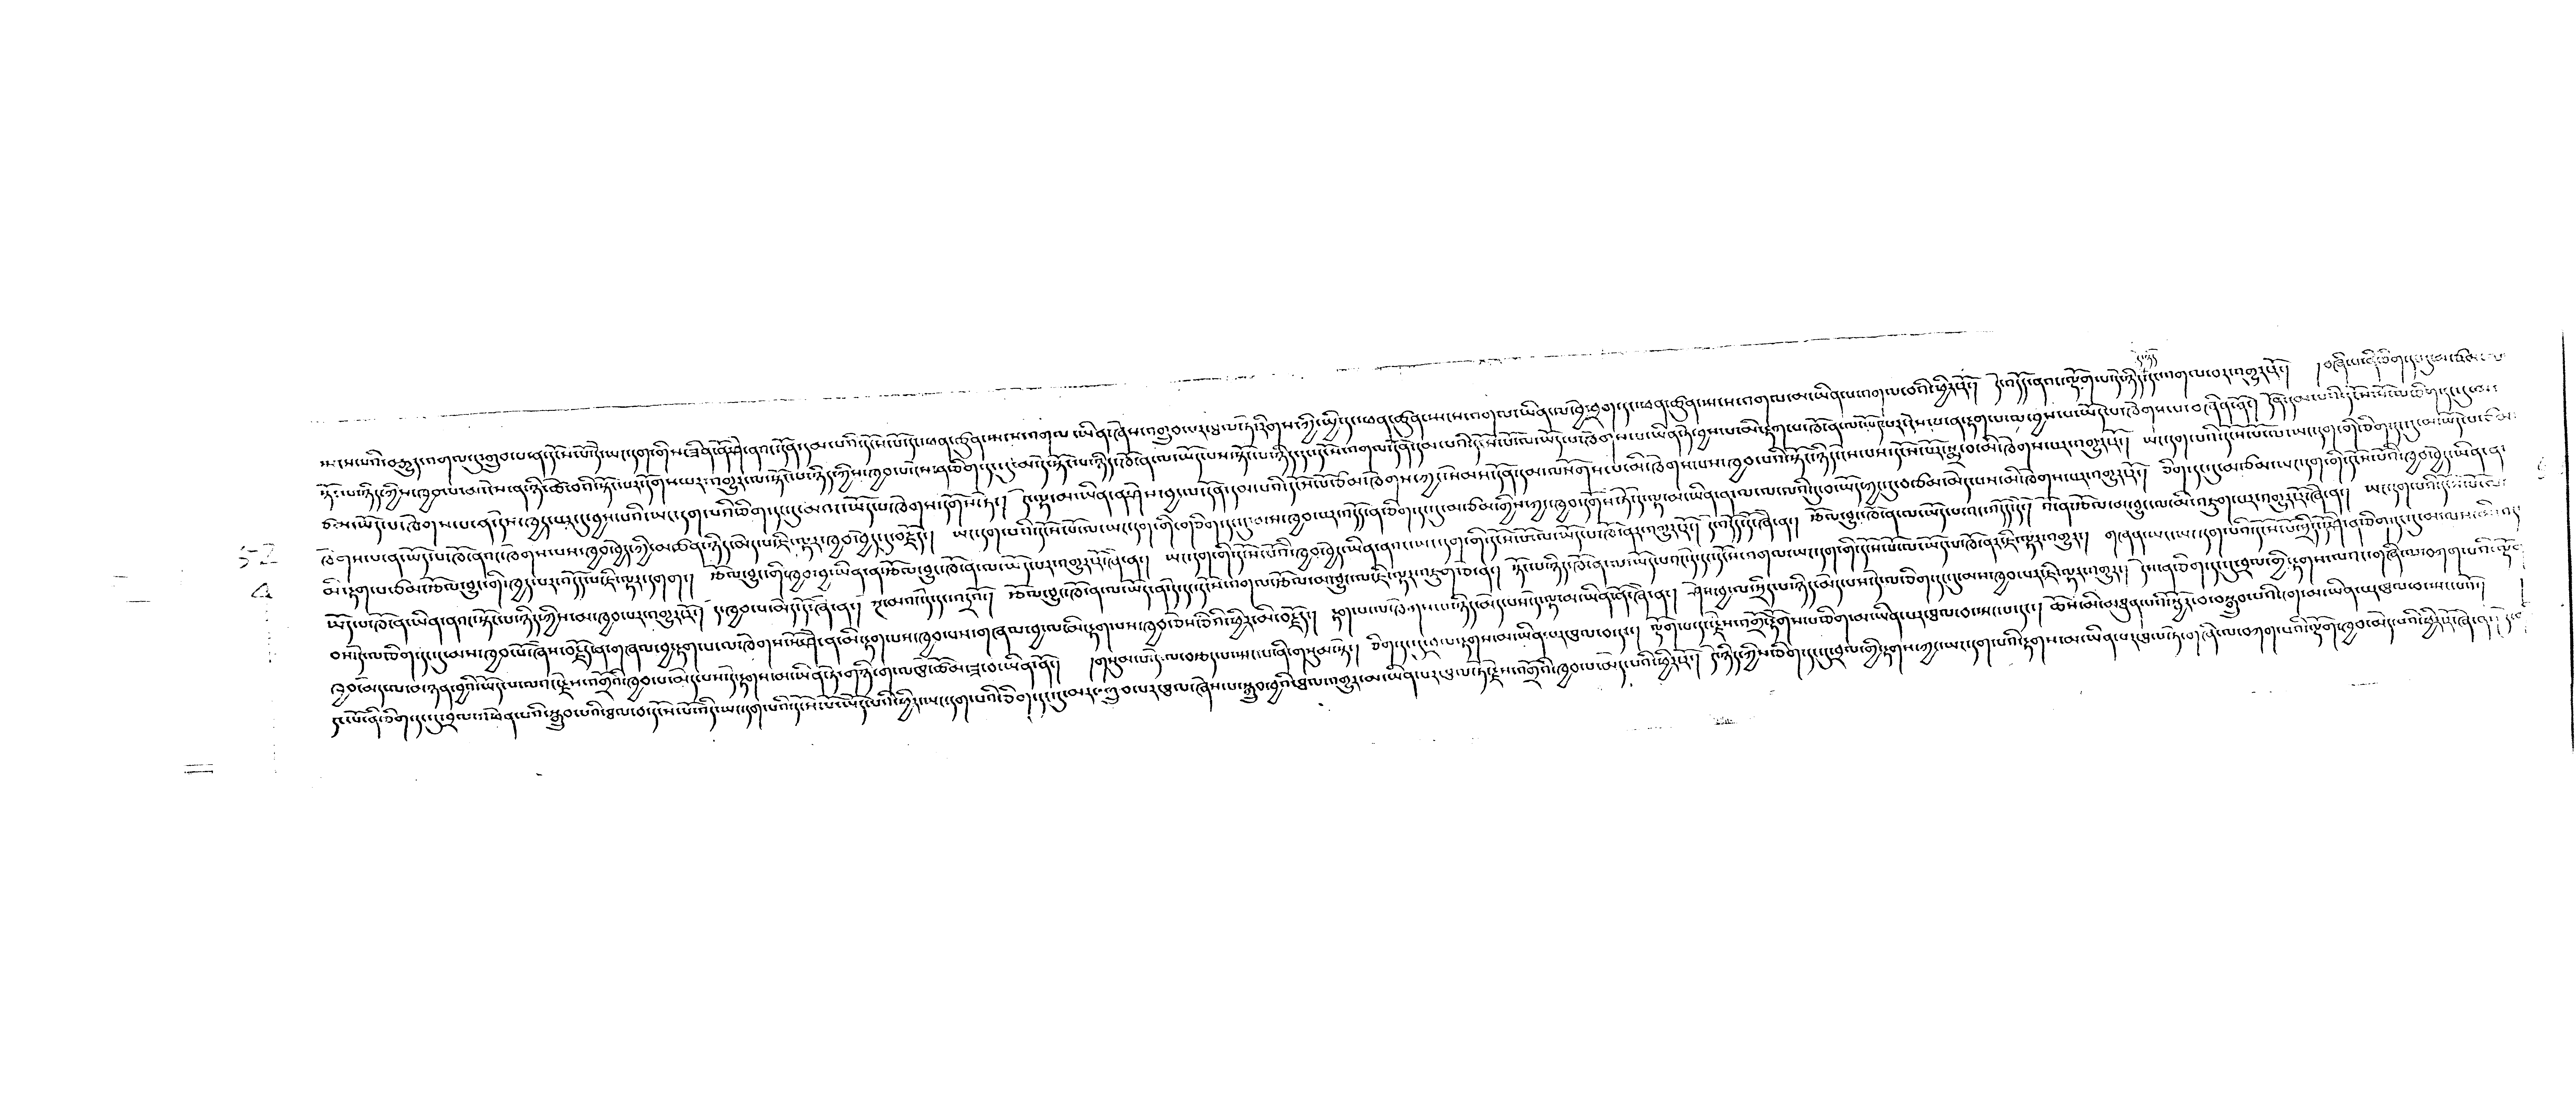སྤངས་པའི་བརྒྱུད་འགལ་དུ་གྲུབ་པ་ན་དངོས་པོ་དེ་ཡན་དག་གིས་ཟིན་ནོ་ཤེ་ནའང་དོན་དམ་པའི་དངོས་པོ་དང་ཕན་སུན་སྤངས་འགལ་ཡིན་ཞེས་འགྲུབ་པར་ཐལ་ཏེ་རིགས་ཀྱི་སྤྱི་དང་ཕན་ཚུན་སྤངས་འགལ་ཡིན་ལ་བྱེ་བྲག་དང་ཕན་ཚུན་སྤངས་འགལ་མ་ཡིན་པ་འགལ་བའི་ཕྱིར་རོ། དེ་འདོད་ནའང་ལྡོག་པ་དེ་ཉིད་དེ་ཉིད་དང་འགལ་བར་འགྱུར་རོ། །བཞི་པ་ནི་ཅིག་དང་དུ་མ་ཙམ་ལ་
སྟོང་པ་ཉིད་ཀྱིས་ཁྱབ་པ་མ་ངེས་ན་ཉི་ཚེ་བའི་སྟོང་པར་དོགས་པར་འགྱུར་ལ་སྟོང་པ་ཉིད་ཀྱིས་ཁྱབ་པ་ངེས་ན་ཅིག་དང་དུ་མ་དེ་སྟོང་པ་ཉིད་ཁོ་ན་ལ་ཡོད་པས་སྟོང་པ་ཉིད་དང་དངོས་འགལ་དོན་དམ་པའི་དངོས་པོ་ལ་ཡོད་པ་ཁེགས་པ་ཡིན་ཏེ་བྱས་པ་མི་རྟག་པ་ཁོ་ན་ལ་ཡོད་པར་ངེས་པ་ན་རྟག་པ་མ་བྱས་པ་ཡོད་པ་ཁེགས་པ་བཞིན་ནོ། དོན་དམ་པའི་དངོས་པོ་མ་ཅིག་དང་དུ་མ་
ཙམ་ཡོད་པ་ཁེགས་པ་ན་དེས་ཁྱད་པར་དུ་བྱས་པའི་ཡང་དག་པའི་ཅིག་དང་དུ་མའང་ཡོད་པ་ཁེགས་དགོས་ཏེ། དེ་ལྟ་མ་ཡིན་ན་ཤེས་བྱ་ལ་དོན་དམ་པའི་དངོས་པོ་ཙམ་ཁེགས་ཀྱང་སེམས་དོན་དམ་ལ་སོགས་པ་མི་ཁེགས་པས་ཁྱབ་པའི་སྟོང་ཉིད་ངེས་པས་དངོས་པོར་སྨྲ་བ་མི་ཁེགས་པར་འགྱུར་རོ། ཡང་དག་པའི་དངོས་པོ་ལ་ཡང་དག་གི་ཅིག་དང་དུ་མ་ཡོད་པ་ཙམ་
ཁེགས་པ་ན་ཡོད་པ་ཁོ་ནའང་ཁེགས་པས་ཁྱབ་བྱེད་ཀྱི་མཚན་ཉིད་མེད་པ་ཇི་ལྟར་ཁྱབ་བྱེད་དུ་བརྗོད། ཡང་དག་པའི་དངོས་པོ་ལ་ཡང་དག་གི་གཅིག་དང་དུ་མས་ཁྱབ་པར་འདོད་ཅིག་དང་དུ་མ་ཙམ་གྱིས་ཀྱང་ཁྱབ་དགོས་ཏེ་དེ་ལྟ་མ་ཡིན་ན་ལ་ལ་ལའི་དུ་བ་ཡོད་ཀྱང་དུ་བ་ཙམ་མེད་པས་མི་ཁེགས་པར་འགྱུར་རོ། ཅིག་དང་དུ་མ་ཙམ་ཡང་དག་གི་དངོས་པོའི་ཁྱབ་བྱེད་ཡིན་ན་
མི་རྟག་པ་ཙམ་རྩོལ་བྱུང་གི་ཁྱད་པར་འདོད་པ་ཇི་ལྟར་དགག། རྩོལ་བྱུང་གིས་ཁྱབ་བྱ་ཡིན་ན་རྩོལ་བྱུང་ཁོ་ན་ལ་ཡོད་པར་འགྱུར་རོ་ཞེ་ན། ཡང་དག་གི་དངོས་པོའི་ཁྱབ་བྱེད་ཡིན་ནའང་ཡང་དག་གི་དངོས་པོ་ལ་ཡོད་པ་ཁོ་ནར་འགྱུར་རོ། དེ་དོད་དོ་ཞེ་ན། རྩོལ་བྱུང་ཁོ་ན་ལ་ཡོད་པ་འང་འདོད་དོ། འོ་ན་རྩོལ་མ་བྱུང་ལ་མི་འཇུག་པར་འགྱུར་རོ་ཞེ་ན། ཡང་དག་པའི་དངོས་པོ་ལ་
ཡོད་པ་ཁོ་ན་ཡིན་ནའང་སྟོང་པ་ཉིད་ཀྱིས་མ་ཁྱབ་པར་འགྱུར་རོ། ད་ཁྱབ་པ་མེད་དོ་ཞེ་ན། སྔ་མའང་དེ་དང་འདྲའོ། རྩོལ་བྱུང་ཁོ་ན་ལ་ཡོད་ན་དེ་དང་དངོས་འགལ་རྩོལ་མ་བྱུང་ལ་ཇི་ལྟར་འཇུག་ཅེ་ན། སྟོང་པ་ཉིད་ཁོ་ན་ལ་ཡོད་པའང་དེ་དང་དངོས་འགལ་ཡང་དག་གི་དངོས་པོ་ལ་ཡོད་པ་ཁོ་ནར་ཇི་ལྟར་འགྱུར། གཞན་ཡང་ཡང་དག་པའི་དངོས་པོ་སྲིད་དོ་ཤེ་ན་ཅིག་དང་དུ་མ་ལས་??
བས་དེ་ལ་ཅིག་དང་དུ་མས་ཁྱབ་པོ་ཞེས་བརྗོད་ན་གཞལ་བྱ་རྟག་པ་ལ་ཁེགས་སོ་ཤེ་ན་མི་རྟག་པས་ཁྱབ་པས་གཞལ་བྱ་ལ་མི་རྟག་པས་ཁྱབ་ཅེས་ཅིའི་ཕྱིར་ཇི་བརྗོད། རྟག་པ་ལ་ཁེགས་པ་ཉིད་མེད་པས་དེ་ལྟ་མ་ཡིན་ནོ་ཞེ་ན། ཤེས་བྱ་ལ་སྲིད་པ་ཉིད་མེད་པས་དེ་ལ་ཅིག་དང་དུ་མས་ཁྱབ་པར་ཇི་ལྟར་འགྱུར། དེས་ན་ཅིག་དང་དུ་བྲལ་གྱི་རྟགས་ལའང་གཞི་ལ་བཀག་པའི་ལྡོག་
ཁྱབ་མེད་ལ་མཉན་བྱའི་ཡོད་པ་ལའང་རྗེས་འགྲོའི་ཁྱབ་པ་མེད་པས་དེ་རྟགས་མ་ཡིན་ཏེ་གཉི་ག་ལ་ཐེ་ཚོམ་ཟ་བ་ཡིན་ནོ། །གསུམ་པ་དེ་ལ་བརྩད་པ་སྤང་པ་ནི་གསུམ་སྟེ། ཅིག་དང་དུ་བྲལ་རྟགས་མ་ཡིན་པར་ཐལ་བ་དང་། ལྡོག་པ་དང་རྗེས་འགྲོ་རྟོགས་པ་ཅིག་མ་ཡིན་པར་ཐལ་བ་སྤང་པ་དང་། ཆོས་མི་མཐུན་པའི་སྦྱོར་བ་བསྒྲུབ་པའི་ངག་མ་ཡིན་པར་ཐལ་བ་སྤང་པའོ། །
དང་པོ་ནི་ཅིག་དང་དུ་བྲལ་འཕེན་པའི་སྒྲུབ་པའི་ཐལ་བ་དངོས་པོ་འདི་ཡང་དག་པའི་དངོས་པོ་ཡོད་པའི་ཕྱིར་ཡང་དག་པའི་ཅིག་དང་དུ་མར་འགྲུབ་པར་ཐལ་ཞེས་པ་སྒྲུབ་བྱའི་ཐལ་འགྱུར་མ་ཡིན་པར་ཐལ་ཏེ་རྗེས་འགྲོའི་ཁྱབ་པ་མེད་པའི་ཕྱིར་རོ། དེ་ཉིད་ཀྱིས་ཅིག་དང་དུ་བྲལ་གྱི་རྟགས་ཀྱང་ཡང་དག་པའི་རྟགས་མ་ཡིན་པར་ཐལ་ཏེ་གཞི་ལ་བཀག་པའི་ལྡོག་ཁྱབ་མེད་པའི་ཕྱིར་རོ་ཞེ་ན། དེ་ནི་